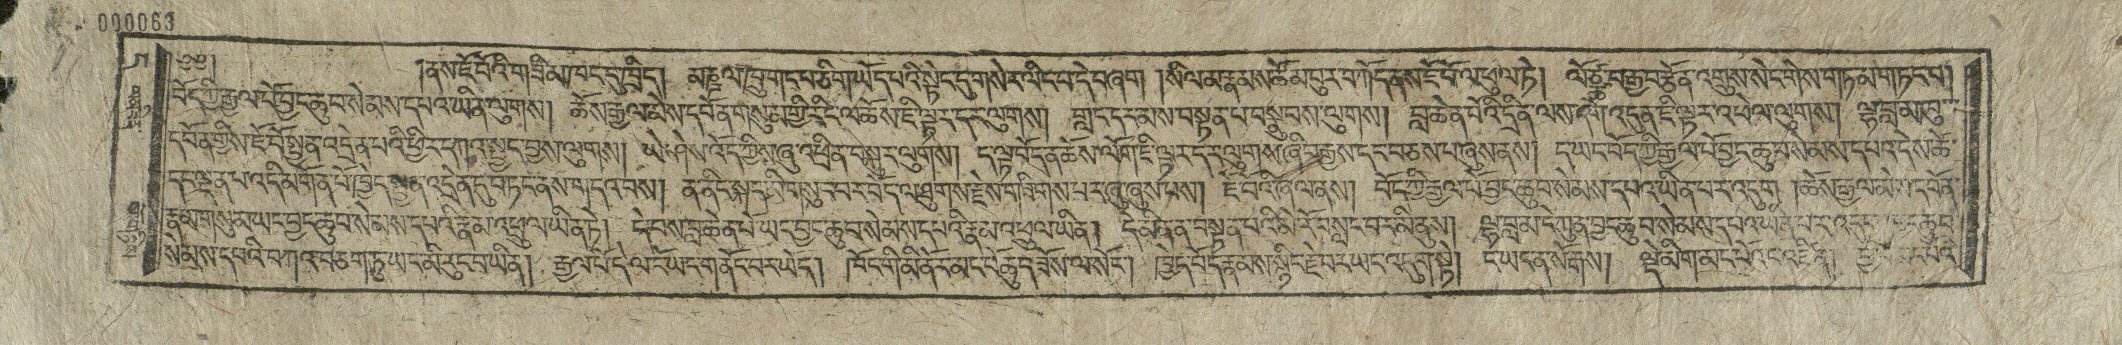༄༅། །ནས་ཇོ་བོའི་གཟིམ་ཁང་དུ་ཁྲིད། མཎྜལ་ཁྲུ་གང་པ་ཅིག་ཡོད་པའི་སྟེང་དུ་གསེར་ལིང་བ་དེ་བཞག །སིལ་མ་རྣམས་ཚོམ་བུར་བཀོད་ནས་ཇོ་བོ་ལ་ཕུལ་ཏེ། ལོ་ཙྪ་བ་རྒྱ་བརྩོན་འགྲུས་སེང་གེས་གཏམ་གཏང་བ།
བོད་ཀྱི་རྒྱལ་པོ་བྱང་ཆུབ་སེམས་དཔའ་ཡིན་ལུགས། ཆོས་རྒྱལ་མེས་དབོན་གསུམ་གྱི་རིང་ལ་ཆོས་ཇི་ལྟར་དར་ལུགས། གླང་དར་མས་བསྟན་པ་བསྣུབས་ལུགས། བླ་ཆེན་པོའི་དྲིན་ལས་དགེ་འདུན་ཇི་ལྟར་འཕེལ་ལུགས། ལྷ་བླ་མ་ཁུ་
དབོན་གྱིས་ཇོ་བོ་སྤྱན་འདྲེན་པའི་ཕྱིར་དཀའ་སྤྱད་བྱས་ལུགས། ཡེ་ཤེས་འོད་ཀྱིས་ཞུ་འཕྲིན་བསྐུར་ལུགས། ད་ལྟ་བོད་ན་ཆོས་ལོག་ཇི་ལྟར་དར་ལུགས་ཞིབ་རྒྱས་དང་བཅས་པ་ཞུས་ནས། ད་ཡང་བོད་ཀྱི་རྒྱལ་པོ་བྱང་ཆུབ་སེམས་དཔའ་དེས་ཚེ་
དང་ལྡན་པ་འདི་མགོན་པོ་ཁྱེད་སྤྱན་འདྲེན་དུ་བཏང་ནས་གདའ་བས། ན་ནིང་སྐད་མི་གསུང་བར་བོད་ལ་ཐུགས་རྗེས་གཟིགས་པར་ཞུ་ཞུས་པས། ཇོ་བོའི་ཞལ་ནས། བོད་ཀྱི་རྒྱལ་པོ་བྱང་ཆུབ་སེམས་དཔའ་ཡིན་པར་འདུག །ཆོས་རྒྱལ་མེས་དཔོན་?
རྣམ་གསུམ་ཡང་བྱང་ཆུབ་སེམས་དཔའི་རྣམ་འཕྲུལ་ཡིན་ཏེ། དེ་བས་བླ་ཆེན་པོ་ཡང་བྱང་ཆུབ་སེམས་དཔའི་རྣམ་འཕྲུལ་ཡིན། དེ་མིན་ན་བསྟན་པའི་མེ་རོ་བསླང་བར་མི་ནུས། ལྷ་བླ་མ་དེ་ཀུན་བྱང་ཆུབ་སེམས་དཔའ་ཡིན་པར་འདུག །བྱང་ཆུབ་
སེམས་དཔའི་བཀའ་བཅག་ཏུ་ཡང་མི་རུང་བ་ཡིན། རྒྱལ་པོ་དེ་ལ་ངོ་ཡང་གནོང་པར་ཡོད། ཁོང་གི་མི་ནོར་མང་པོ་ཆུད་ཟོས་ལ་སོང་། ཁྱེད་བོད་རྣམས་སྙིང་རྗེ་བར་ཡང་འདུག་སྟེ། ང་ཡང་ན་སོ་རྒྱས། ལྡེ་མིག་མང་པོའང་འཛིན། བྱ་བ་མང་པོའི་?